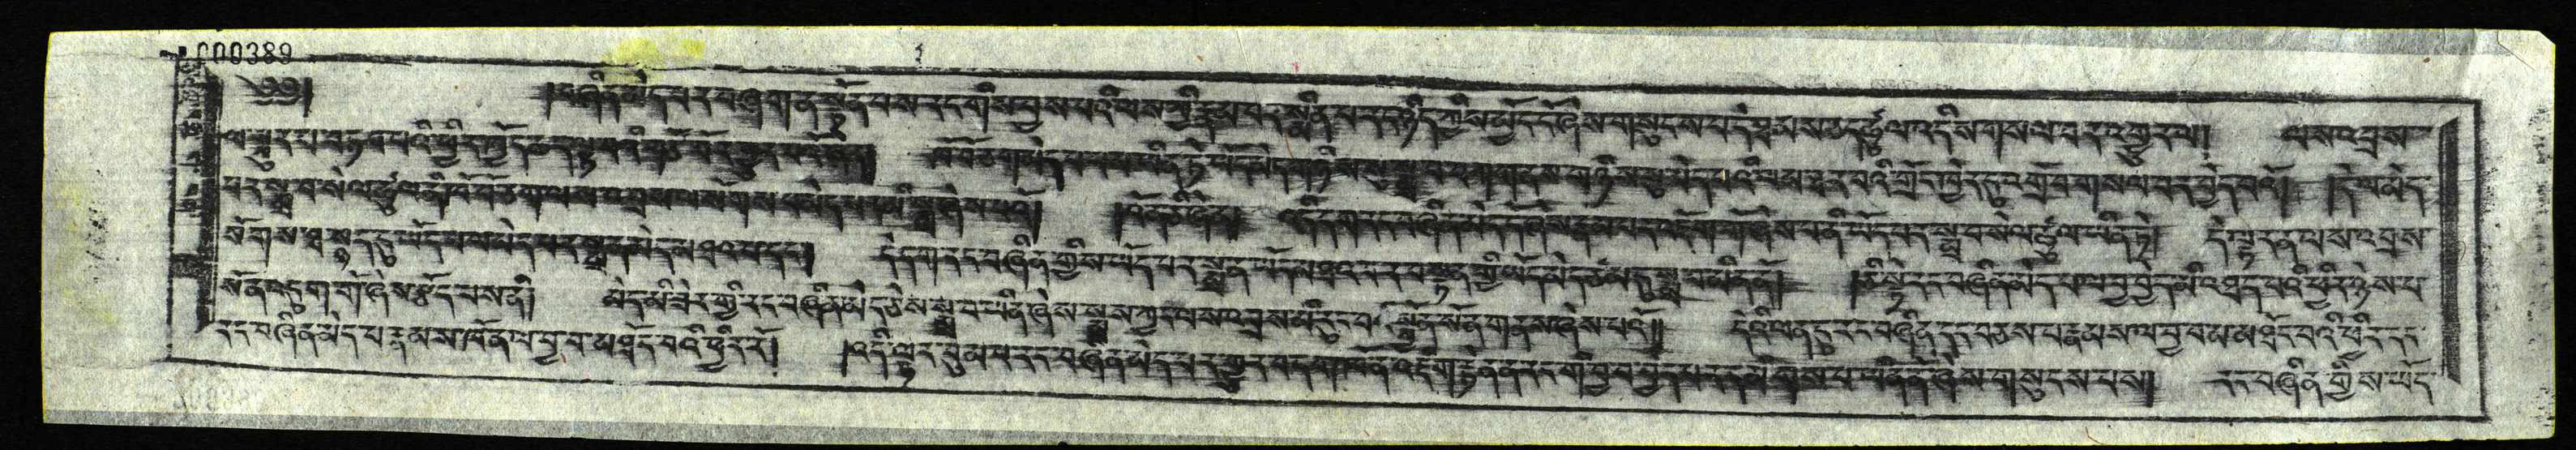༄༅། །བཞིན་མེད་པར་བཞག་ན་སྟོན་པས་རང་གིས་བྱས་པའི་ལས་ཀྱི་རྣམ་པར་སྨིན་པ་རང་ཉིད་ཀྱིས་མྱོང་ངོ་ཞེས་གསུངས་པ་དེ་ཐམས་ཅད་ཚུལ་འདིས་གསལ་བར་འགྱུར་ལ། ལས་འབྲས་
ལ་སྐུར་པ་བཏབ་པའི་ཕྱིར་ཁྱོད་ཆད་ལྟ་བའི་གཙོ་བོར་གྱུར་པའོ་ཞེ་ན། ཁོ་བོ་ཅག་མེད་པ་བ་མ་ཡིན་ཏེ་ཡོད་མེད་གཉིས་སུ་སྨྲ་བ་བཀག་ནས་གཉིས་སུ་མེད་པའི་ལས་ཐར་པའི་གྲོང་ཁྱེར་དུ་འགྲོ་བ་གསལ་བར་བྱེད་བའོ། །དེ་ལ་མེད་
པར་སྨྲ་བ་སེལ་ཚུལ་ནི་ཁོ་བོ་ཅག་ལས་འབྲས་ལ་སོགས་པ་མེད་པར་མི་སྨྲ་ཞེས་པའོ། །འོ་ན་ཅི་ཞེ་ན། འདི་དག་རང་བཞིན་མེད་དོ་ཞེས་རྣམ་པར་འཇོག་གོ་ཞེས་པ་ནི་ཡོད་པར་སྨྲ་བ་སེལ་ཚུལ་ཡིན་ཏེ། དེ་ལྟར་ན་ལས་འབྲས་
སོགས་ཐ་སྙད་དུ་ཡོད་པ་ལ་མེད་པར་སྨྲ་ན་མེད་མཐའ་བ་དང་། དེ་དག་རང་བཞིན་གྱིས་ཡོད་པར་སྨྲ་ན་ཡོད་མཐའ་བར་བསྟན་གྱི་ཡོད་མེད་ཙམ་དུ་སྨྲ་བ་མིན་ནོ། །ཅི་སྟེ་རང་བཞིན་མེད་པ་ལ་བྱ་བྱེད་མི་འཐད་པའི་ཕྱིར་ཉེས་པ་
སོན་འདུག་གོ་ཞེས་རྩོད་པས་ནི། མེད་མི་ཟེར་གྱི་རང་བཞིན་མེད་ཅེས་སྨྲ་བ་ཡིན་ཞེས་སྨྲས་ཀྱང་ལས་འབྲས་མི་རུང་བའི་སྐྱོན་སོ་ན་གནས་ཞེས་པའོ།། དེའི་ལན་དུ་རང་བཞིན་དང་བཅས་པ་རྣམས་ལ་བྱ་བ་མ་མཐོང་བའི་ཕྱིར་དང་
རང་བཞིན་མེད་པ་རྣམས་ཁོ་ན་ལ་བྱ་བ་མཐོང་བའི་ཕྱིར་རོ། །འདི་ལྟར་བུམ་པ་རང་བཞིན་མེད་པར་གྱུར་བ་དག་ཁོ་ན་འཇིག་རྟེན་ན་རང་གི་བྱ་བ་བྱེད་པར་དམིགས་པ་ཡིན་ནོ་ཞེས་གསུངས་པས། རང་བཞིན་གྱིས་ཡོད་